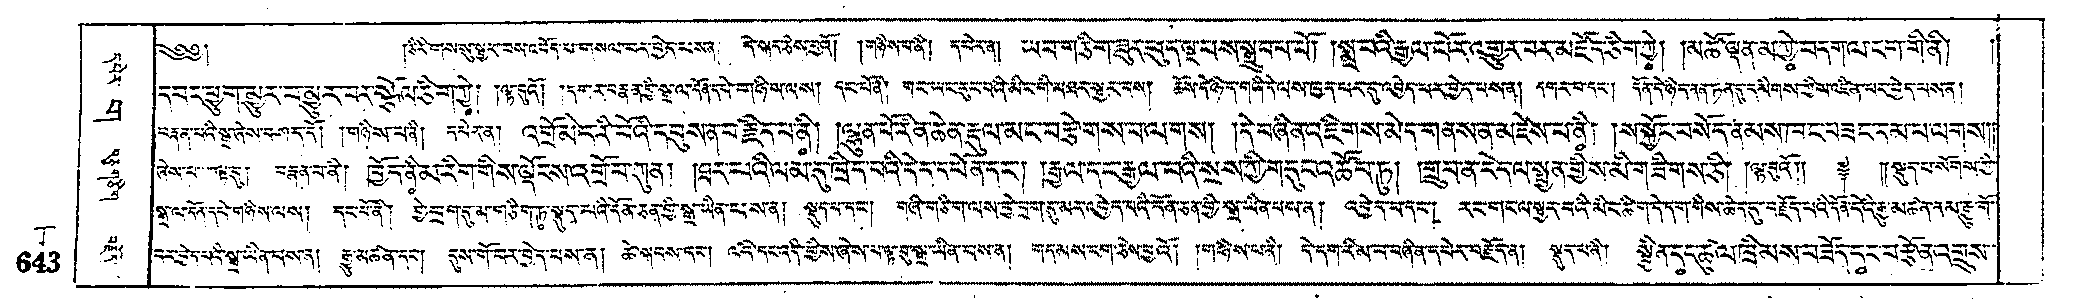༄༅། །ཅི་རིགས་སུ་སྦྱར་བས་འབོད་པ་གསལ་བར་བྱེད་པས་ན། དེ་སྐད་ཅེས་བྱའོ། །གཉིས་པ་ནི། དཔེར་ན།  ཡབ་གཅིག་ཟུར་ཕུད་ལྔ་པས་སྒྲུབ་པ་པོ། །སྨྲ་བའི་རྒྱལ་པོར་འགྱུར་བར་མཛོད་ཅིག་ཀྱེ྾། །མཚོ་ལྡན་མ་ཀྱེ྾་བདག་ལ་ངག་གི་ནི། །
དབང་ཕྱུག་མྱུར་བ་མྱུར་བར་སྩོལ་ཅིག་ཀྱེ྾། །ལྟ་བུའོ། །དགར་བརྣན་གྱི་སྒྲ་ལ་དོན་དཔེ་གཉིས་ལས། དང་པོ་ནི། གང་ཡང་རུང་བའི་མིང་གི་མཐར་སྦྱར་བས། ཆོས་དེ་ཉིད་གཞི་དེ་ལས་ཁྱད་པར་དུ་འབྱེད་པར་བྱེད་པས་ན། དགར་བ་དང་། དོན་དེ་ཉིད་ནན་ཏན་དུ་དམིགས་ཀྱིས་འཛིན་པར་བྱེད་པས་ན།
བརྣན་པའི་སྒྲ་ཞེས་བཤད་དོ། །གཉིས་པ་ནི། དཔེར་ན། འགྲོ་མེད་རི་བོའི་དབུས་ན་བརྗིད་པ་ནི྾། །ལྷུན་པོ་རིན་ཆེན་རྡུལ་མང་བརྩེགས་པ་ལགས། །དེ་བཞིན་འཇིགས་མེད་གནས་ན་མཛེས་པ་ནི྾། །ས་སྐྱོང་བསོད་ནམས་ཁང་བཟང་དམ་པ་ལགས།།
ཞེས་པ་ལྟ་བུ། བརྣན་པ་ནི།  ཁྱོད་ནི྾་མ་རིག་གིས་ལྡོངས་འགྲོ་བ་ཀུན། །ཐར་པའི་ལམ་དུ་ཁྲིད་པའི་དེད་དཔོན་དང་། །རྒྱལ་དང་རྒྱལ་བའི་སྲས་ཀྱི་གདུང་འཚོབ་ཏུ། །གྲུབ་ན་ངེད་ལ་སྤྱན་གྱིས་མི་གཟིགས་ཅི། །ལྟ་བུའོ།། འ་།།སྡུད་པ་སོགས་ཀྱི་
སྒྲ་ལ་དོན་དཔེ་གཉིས་ལས། དང་པོ་ནི། བྱེ་བྲག་དུ་མ་གཅིག་ཏུ་སྡུད་པའི་དོན་ཅན་གྱི་སྒྲ་ཡིན་པས་ན། སྡུད་པ་དང་། གཞི་གཅིག་ལས་བྱེ་བྲག་དུ་མར་འབྱེད་པའི་དོན་ཅན་གྱི་སྒྲ་ཡིན་པས་ན། འབྱེད་པ་དང་། རང་གང་ལ་སྦྱར་བའི་མིང་ཚིག་དེ་དག་གིས་ཆེད་དུ་བརྗོད་པའི་དོན་དེའི་རྒྱུ་མཚན་ནམ་རྒྱུ་གོ་
བར་བྱེད་པའི་སྒྲ་ཡིན་པས་ན། རྒྱུ་མཚན་དང་། དུས་གོ་བར་བྱེད་པས་ན། ཚེ་སྐབས་དང་། འདི་དང་འདི་གྱིས་ཞེས་པ་ལྟ་བུ་སྒྲ་ཡིན་པས་ན། གདམས་ངག་ཅེས་བྱའོ། །གཉིས་པ་ནི། དེ་དག་རིམ་པ་བཞིན་དཔེར་བརྗོད་ན། སྡུད་པ་ནི། སྦྱིན་དང྾་ཚུལ་ཁྲིམས་བཟོད་དང྾་བརྩོན་འགྲུས་་་